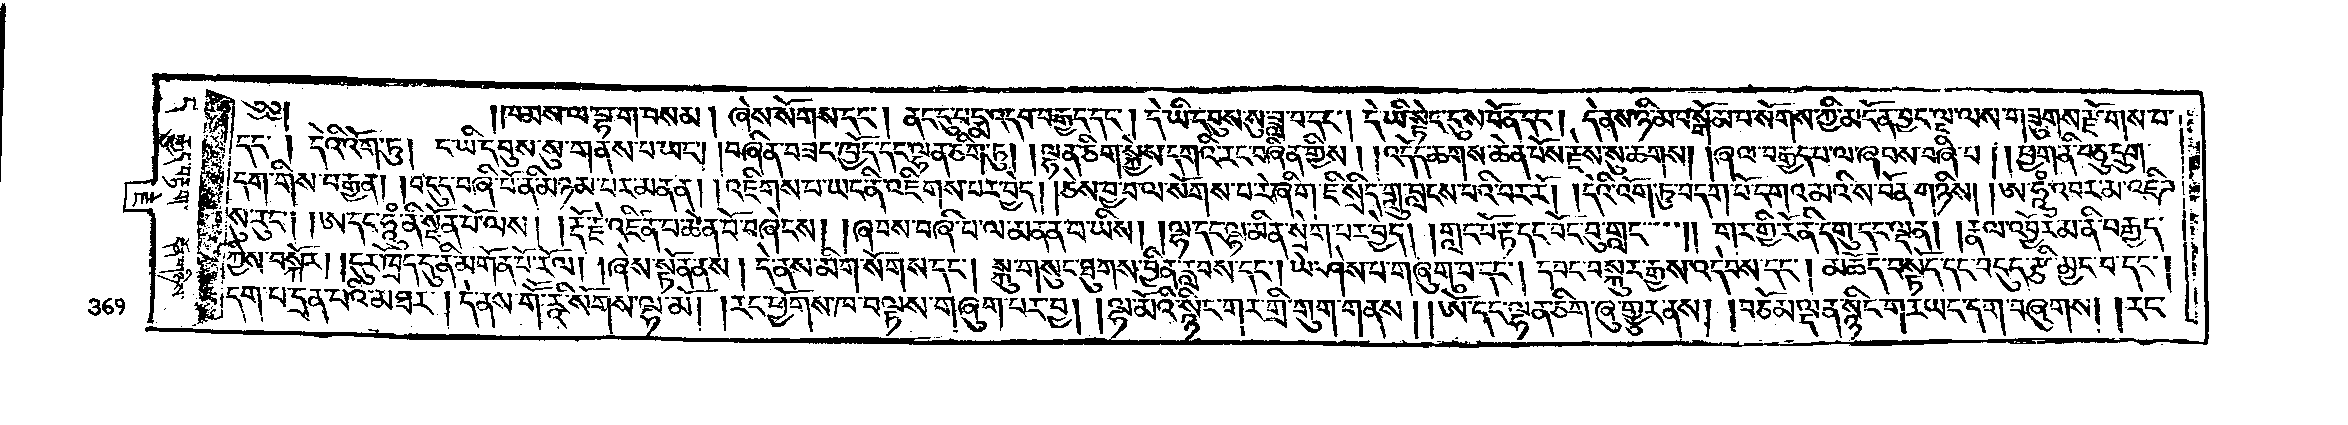༄༅། །ཁམས་ལ་བྷ་ག་བསམ། ཞེས་སོགས་དང་། ནང་དུ་པདམ་འདབ་བརྒྱད་དང་། དེ་ཡི་དབུས་སུ་ཟླ་བ་དང་། དེ་ཡི་སྟེང་དུ་ས་བོན་དང་། དེ་ནས་ཉི་མ་བསྒོམ་པ་སོགས་ཀྱི་མངོན་བྱང་ལྔ་ལས་གཟུགས་རྫོགས་པ་
དང་། དེའི་འོག་ཏུ། ང་ཡི་དབུས་སུ་གནས་པ་ཡང་། །བཞིན་བཟང་ཁྱོད་དང་ལྷན་ཅིག་ཏུ། །ལྷན་ཅིག་སྐྱེས་དགའི་རང་བཞིན་གྱིས། །འདོད་ཆགས་ཆེན་པོས་རྗེས་སུ་ཆགས། །ཞལ་བརྒྱད་པ་ལ་ཞབས་བཞི་པ། །ཕྱག་ནི་བཅུ་དྲུག་
དག་གིས་བརྒྱན། །བདུད་བཞི་པོ་ནི་མཉམ་པར་མནན། །འཇིགས་པ་ཡང་ནི་འཇིགས་པར་བྱེད། །ཅེས་བྱ་བ་ལ་སོགས་པ་རེ་ཞིག་ཇི་སྲིད་གླུ་བླངས་པའི་བར་རོ། །དེའི་འོག་ཏུ་བདག་པོ་དགའ་མའི་ས་བོན་གཉིས། །ཨ་ཧཱུཾ་འབར་མ་འཇིགས་
སུ་རུང་། །ཨ་དང་ཧཱུཾ་ནི་སྔོན་པོ་ལས། །རྡོ་རྗེ་འཛིན་པ་ཆེན་པོ་བཞེངས། །ཞབས་བཞི་པ་ལ་མནན་པ་ཡིས། །ལྷ་དང་ལྷ་མིན་སྲེག་པར་བྱེད། །གླང་པོ་རྟ་དང་བོང་བུ་གླང་། །གར་གྱི་རོ་ནི་དགུ་དང་ལྡན། །རྣལ་འབྱོར་མ་ནི་བརྒྱད་
ཀྱིས་བསྐོར། །དུར་ཁྲོད་དུ་ནི་མགོན་པོ་རོལ། །ཞེས་སྟོན་ནས། དེ་ནས་མིག་སོགས་དང་། སྐུ་གསུང་ཐུགས་བྱིན་རླབས་དང་། ཡེ་ཤེས་པ་གཞུག་པ་དང་། དབང་བསྐུར་རྒྱས་འདེབས་དང་། མཆོད་བསྟོད་དང་བདུད་རྩི་མྱང་བ་དང་།
དག་པ་དྲན་པའི་མཐར། དེ་ནས་གཽ་རཱི་སོགས་ལྷ་མོ། །རང་ཕྱོགས་ཁ་བལྟས་གཞུག་པར་བྱ། །ལྷ་མོའི་སྙིང་གར་གྲི་གུག་གནས། །ཨོཾ་དང་ལྷན་ཅིག་ཞུ་གྱུར་ནས། །བཅོམ་ལྡན་སྙིང་གར་ཡང་དག་བཞུགས། །རང་